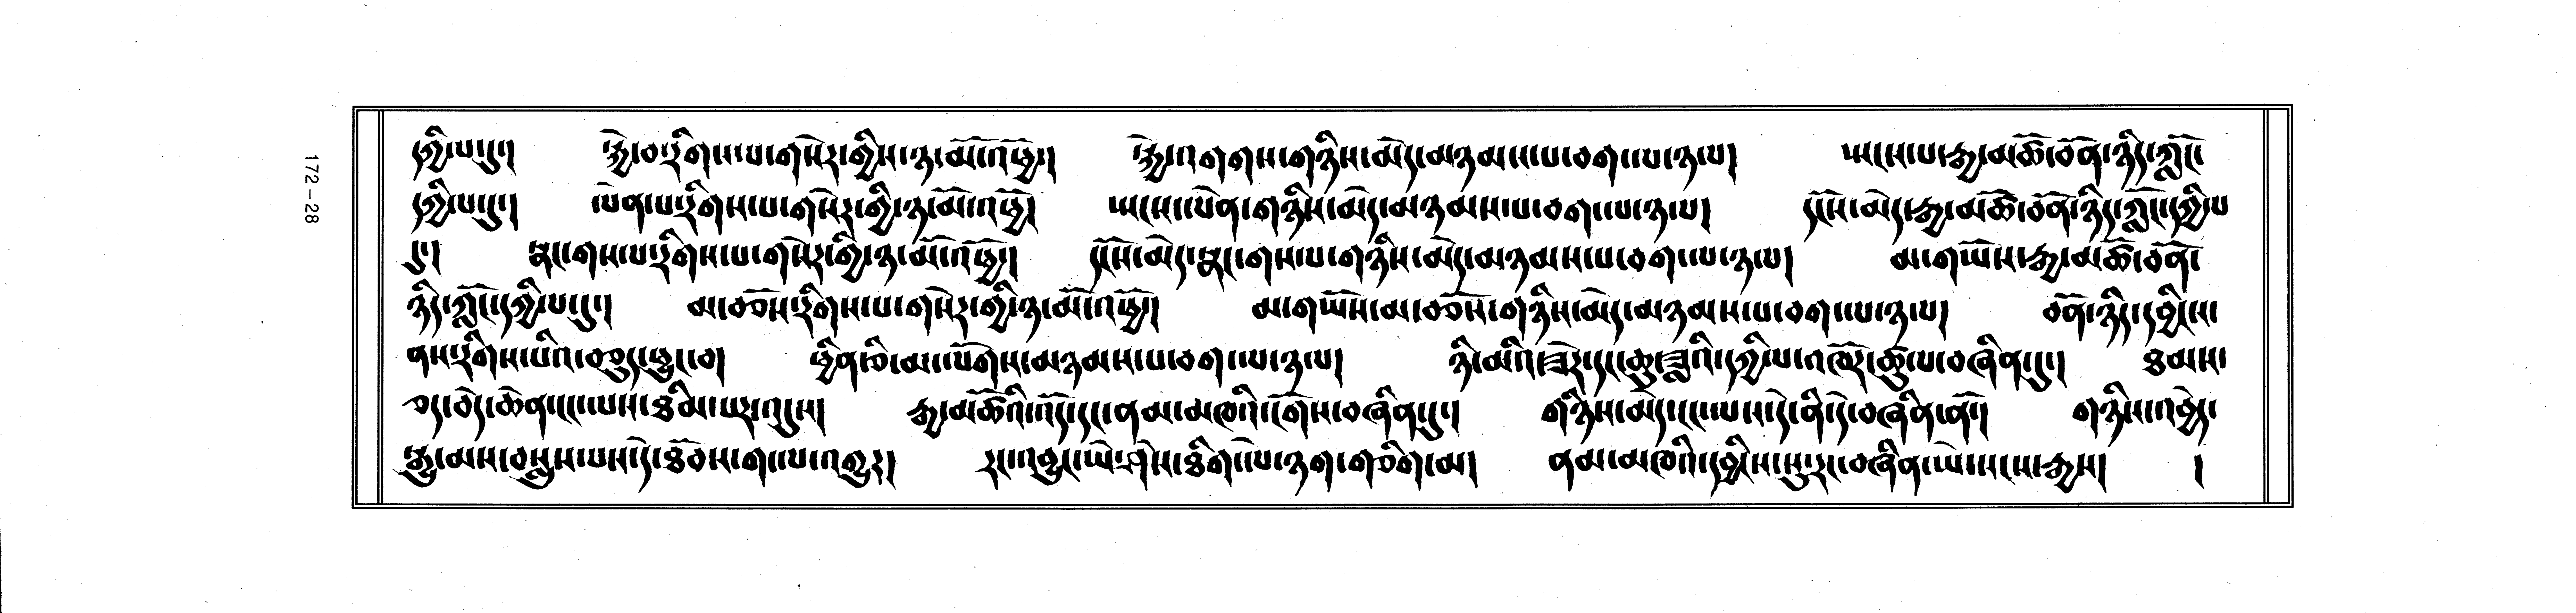དཀྱིལ་དུ། སྐྱེ་བ་རིགས་པ་གསེར་གྱིས་ཉ་མོ་འཕྱོ། སྐྱེ་འགག་གཉིས་མེད་མཉམ་པ་བག་ལ་ཉལ། སྤངས་པ་རྒྱ་མཚོ་བོན་ཉིད་ཀློང་
དཀྱིལ། ལེན་པ་རིགས་པ་གསེར་གྱི་ཉ་མོ་འཕྱོ། སྤང་ལེན་གཉིས་མེད་མཉམས་པ་བག་ལ་ཉལ། དངོས་མེད་རྒྱ་མཚོ་བོན་ཉིད་ཀློང་དཀྱིལ་
དུ། སྣང་གསལ་རིགས་པ་གསེར་གྱི་ཉ་མོ་འཕྱོ། དངོས་མེད་སྣང་གསལ་གཉིས་མེད་མཉམ་པ་བག་ལ་ཉལ། མ་གཡོས་རྒྱ་མཚོ་བོན་
ཉིད་ཀློང་དཀྱིལ་དུ། མ་བཅོས་རིགས་པ་གསེར་གྱི་ཉ་མོ་འཕྱོ། མ་གཡོས་མ་བཅོས་གཉིས་མེད་མཉམས་པ་བག་ལ་ཉལ། བོན་ཉིད་དབྱིངས་
ནས་རིགས་པའི་བཅུད་ཕྱུང་བ། ཕྱིན་ཅི་མ་ལོག་མཉམས་པ་བག་ལ་ཉལ། ཉི་མའི་ཟེར་དང་ཆུ་ཟླའི་དཀྱིལ་འཁོར་ཚུལ་བཞིན་དུ། ཐམས་
ཅད་བདེ་ཆེན་ངང་ལས་ཐིམ་པར་འདུས། རྒྱ་མཚོའི་འོད་དང་ནམ་མཁའི་ངོགས་བཞིན་དུ། གཉིས་མེད་ངང་ལས་དེ་ནི་དེ་བཞིན་ནོ། གཉིས་འབྱེད་
སྒྱུ་མས་བསླུས་པས་དེ་ཐོབ་ག་ལ་འགྱུར། རང་འབྱུང་ཡེ་ཤེས་ཐིག་ལེ་ཉག་གཅིག་མ། ནམ་མཁའི་དབྱིངས་སུ་རང་བཞིན་ཡེ་སངས་རྒྱས།